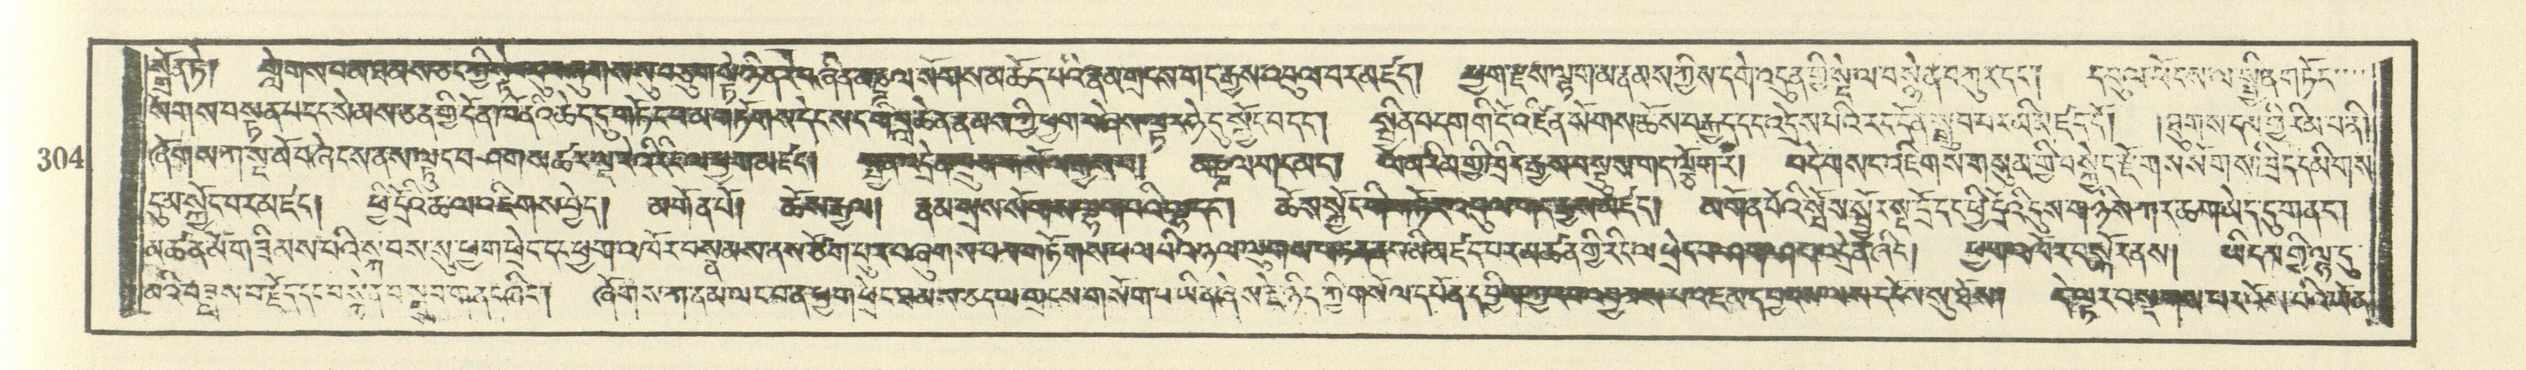སྒྲོན་ཏེ། གླེགས་བམ་ཐམས་ཅད་ཀྱི་སྟེང་དུ་བཞུགས་སུ་བཅུག་སྟེ་ཉིན་རེ་བཞིན་མཎྜལ་སོགས་མཆོད་པའི་རྣམ་གྲངས་གང་རྒྱས་འབུལ་བར་མཛད། ཕྱག་རྫས་ལྷག་མ་རྣམས་ཀྱིས་དགེ་འདུན་གྱི་སྡེ་ལ་བསྙེན་བཀུར་དང་། དབུལ་ཕོངས་ལ་སྦྱིན་གཏོང་
སོགས་བསྟན་པ་དང་སེམས་ཅན་གྱི་དོན་ཁོ་ནའི་ཆེད་དུ་གཏོང་བ་མ་གཏོགས་དེང་སང་གི་བླ་ཆེན་རྣམས་ཀྱི་ཕྱག་བཞེས་ལྟར་ཉེ་དུ་སྐྱོང་བ་དང་། སྦྱིན་བདག་གི་ངོ་འཛིན་སོགས་ཆོས་བརྒྱད་དང་འདྲེས་པའི་རང་དོན་སྒྲུབ་པར་མི་མཛད་དོ། །ཐུགས་དམ་གྱི་རིམ་པ་ནི།
ཞོགས་ཀ་སྔ་མོ་བཞེངས་ནས་ལྟུང་བཤགས་ཚར་ལྔ་རེའི་རིང་ལ་ཕྱག་མཛད། སྤྱན་འདྲེན་ཁྲུས་གསོལ་རྒྱས་པ། མཎྜལ་གང་མང་། ལམ་རིམ་གྱི་ཁྲིད་རྒྱས་བསྡུས་གང་ལྕོག་ར། བདེ་གསང་འཇིགས་གསུམ་གྱི་བསྐྱེད་རྫོགས་སོགས་ཁྲིད་དམིགས་
དུ་མ་སྐྱོང་བར་མཛད། ཕྱི་དྲེའི་ཆ་ལ་འཇིགས་བྱེད། མགོན་པོ། ཆོས་རྒྱལ། རྣམ་སྲས་སོགས་ལྷག་པའི་ལྷ་དང་། ཆོས་སྐྱོང་གི་གཏོར་འབུལ་གད་རྒྱས་མཛད། མགོན་པོའི་སྤོས་སྤྱོར་སྔ་དྲོ་དང་ཕྱི་དྲོའི་དུས་གཉིས་ཀར་ཆག་མེད་དུ་གནང་།
མཚན་མོ་གཟིམས་པའི་སྐབས་སུ་ཕྱག་ཕྲེང་དང་ཕྱག་འཁོར་བསྣམས་ནས་ཙོག་པུར་བཞུགས་བམ་གཏོགས་ཕལ་པའི་ཉལ་ལུགས་གཏན་ནས་མི་མཛད་པར་མཚན་གྱི་རིང་ལ་ཕྲེང་བ་ཤག་ཤག་འདྲེན་ཞིང་། ཕྱག་འཁོར་བསྐོར་ནས། ཡི་དམ་གྱི་ལྷ་དུ་
མའི་བཟླས་བརྗོད་དང་བསྙེན་བསྒྲུབ་གནང་ཞིང་། ཞོགས་ཀ་ནམ་ལང་བ་ན་ཕྱག་ཕྲེང་ཐམས་ཅད་ལ་གྲངས་གསོག་པ་ཡིན་ཞེས་རྗེ་ཉིད་ཀྱི་གསོལ་དཔོན་དབྱིག་ཀྱ་རབ་འབྱམས་པ་འཇམ་དབྱངས་ལས་དངོས་སུ་ཐོས། དེ་ལྟར་བསྔགས་པར་འོས་པའི་ཡོན་